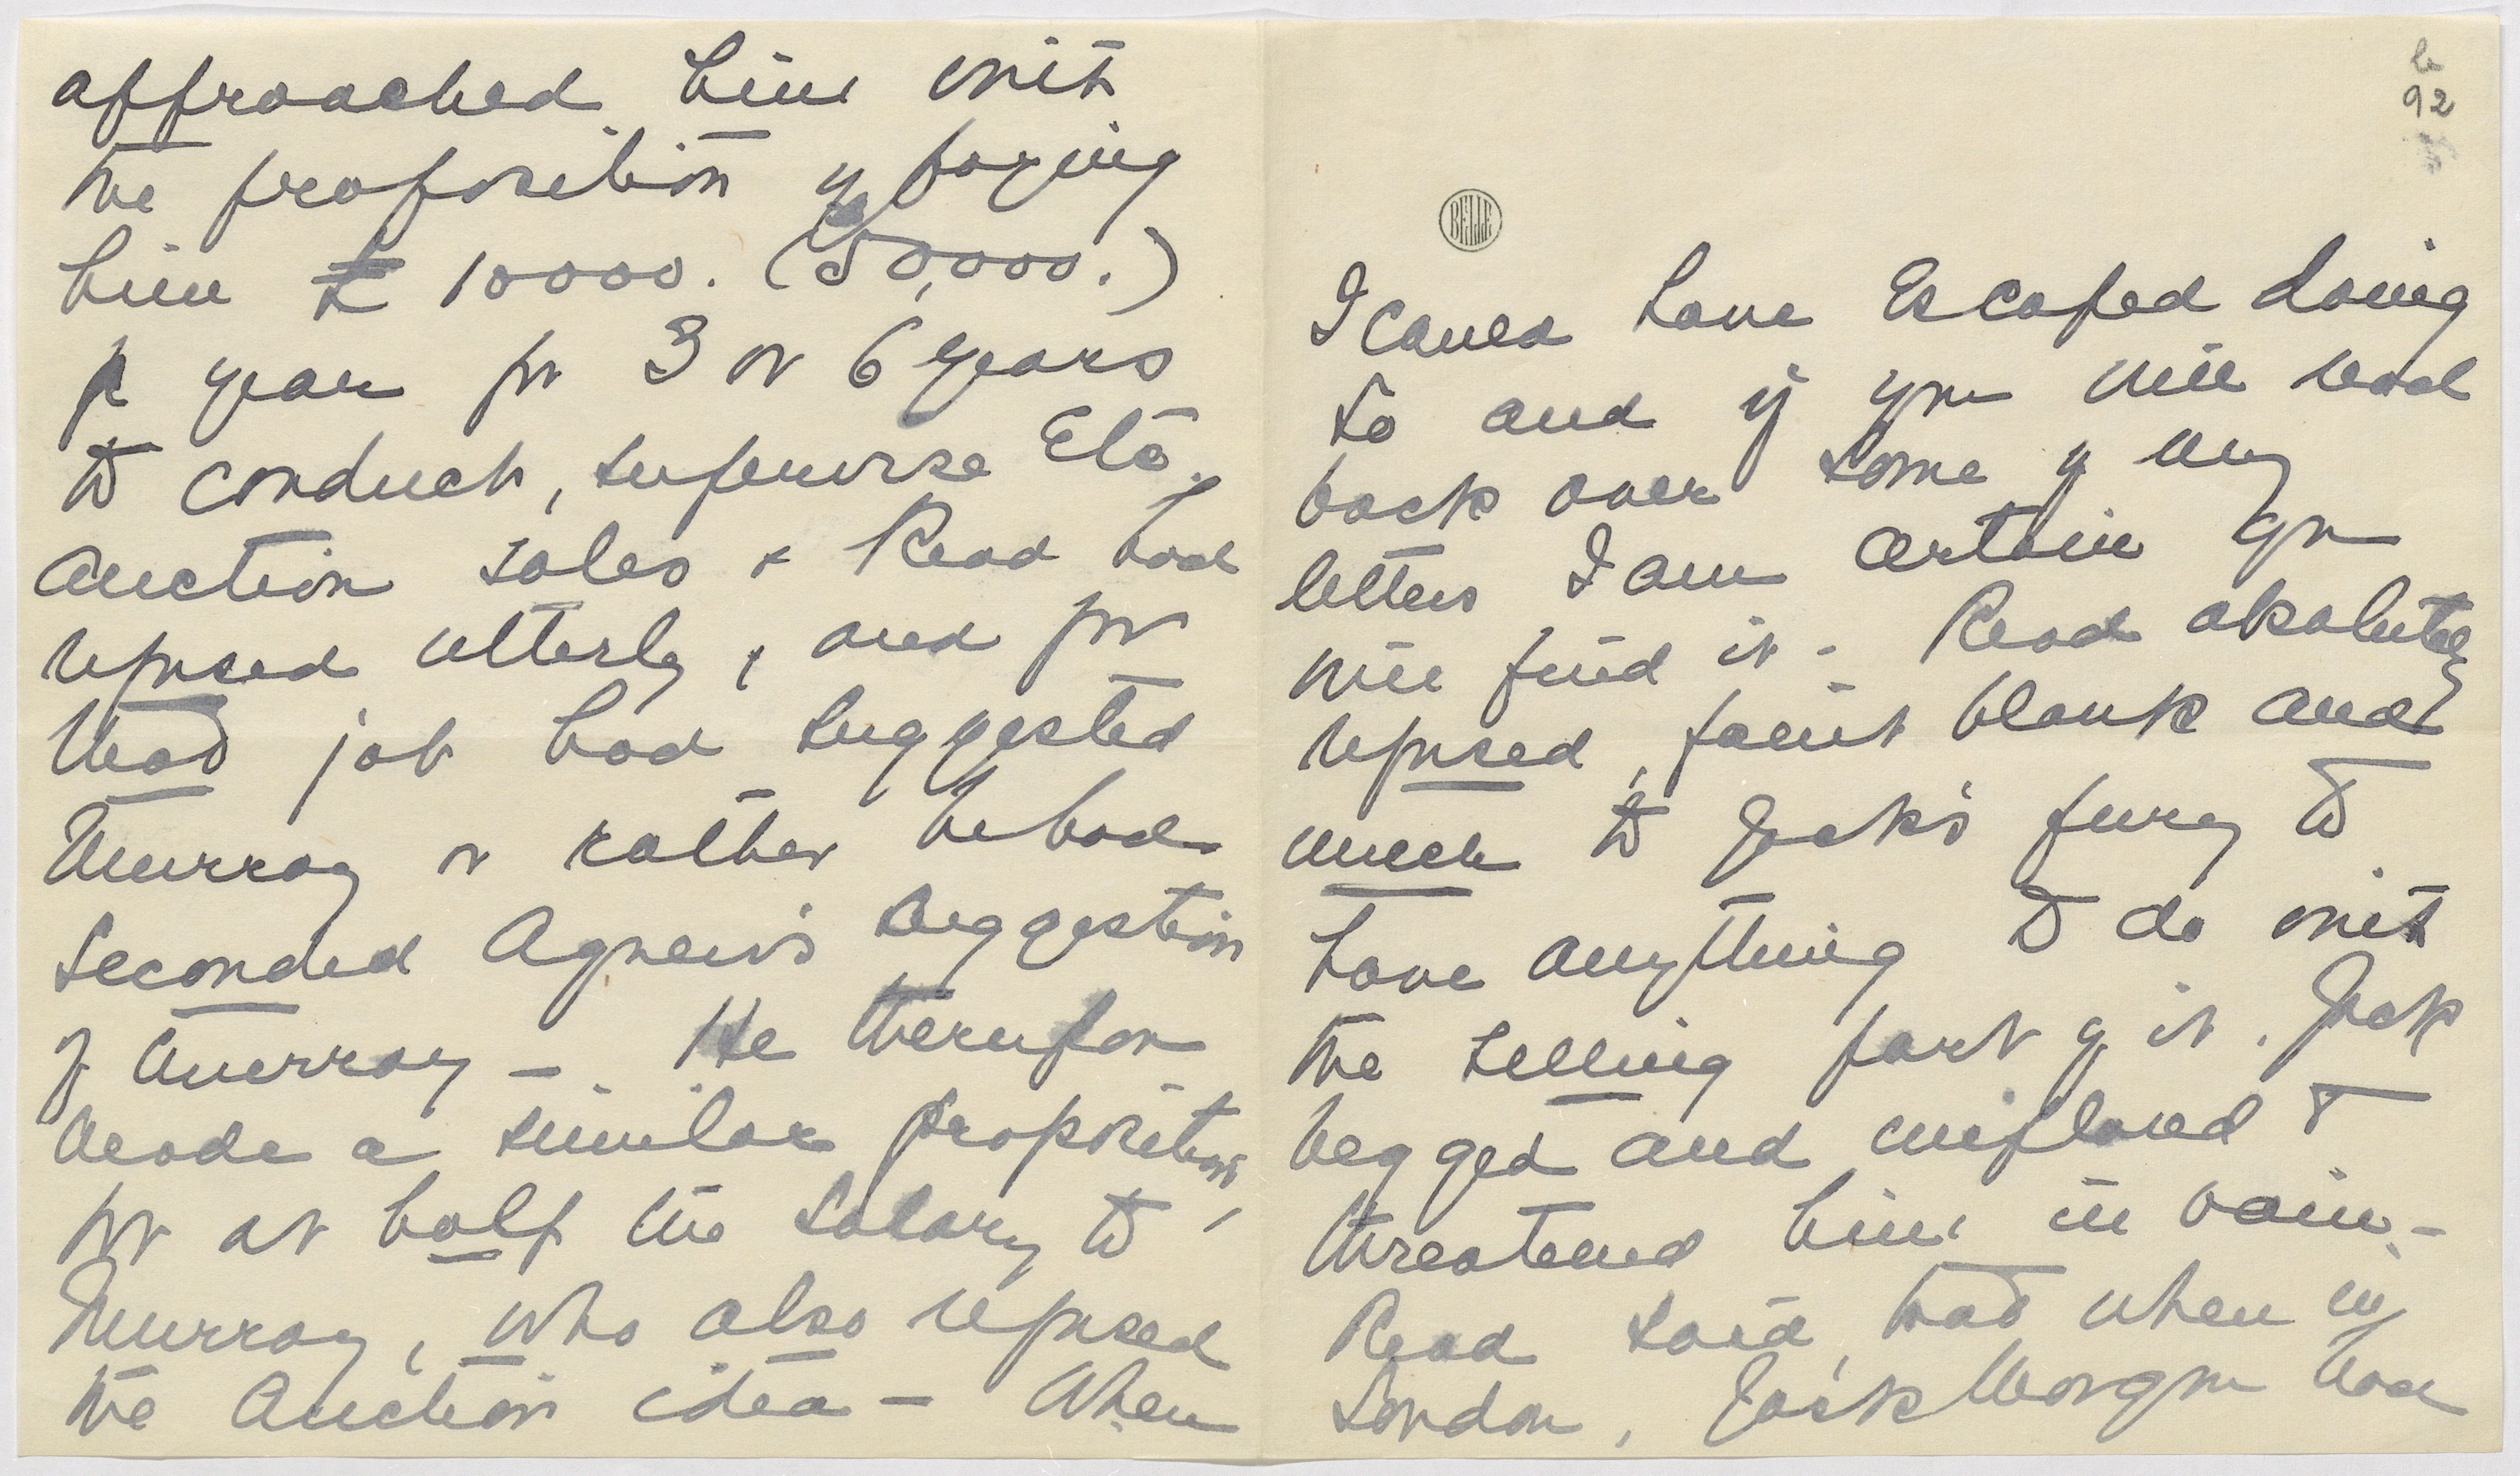I could have escaped doing so and if you will read back over some of my letters I am certain you will find it – Read absolutely refused, point blank and much to Jack’s fury to have anything to do with the selling part of it. Jack begged and implored & threatened him in vain – Read said, that when in London, Jack Morgan had
approached him with the proposition of paying him £10000. ($50,000.) a year for 3 or 6 years to conduct, supervise etc. auction sales & Read had refused utterly, and for that job had suggested Murray or rather he had seconded Agnew’s suggestion of Murray – He therefore made a similar proposition but at half the salary to Murray, who also refused the auction idea – When